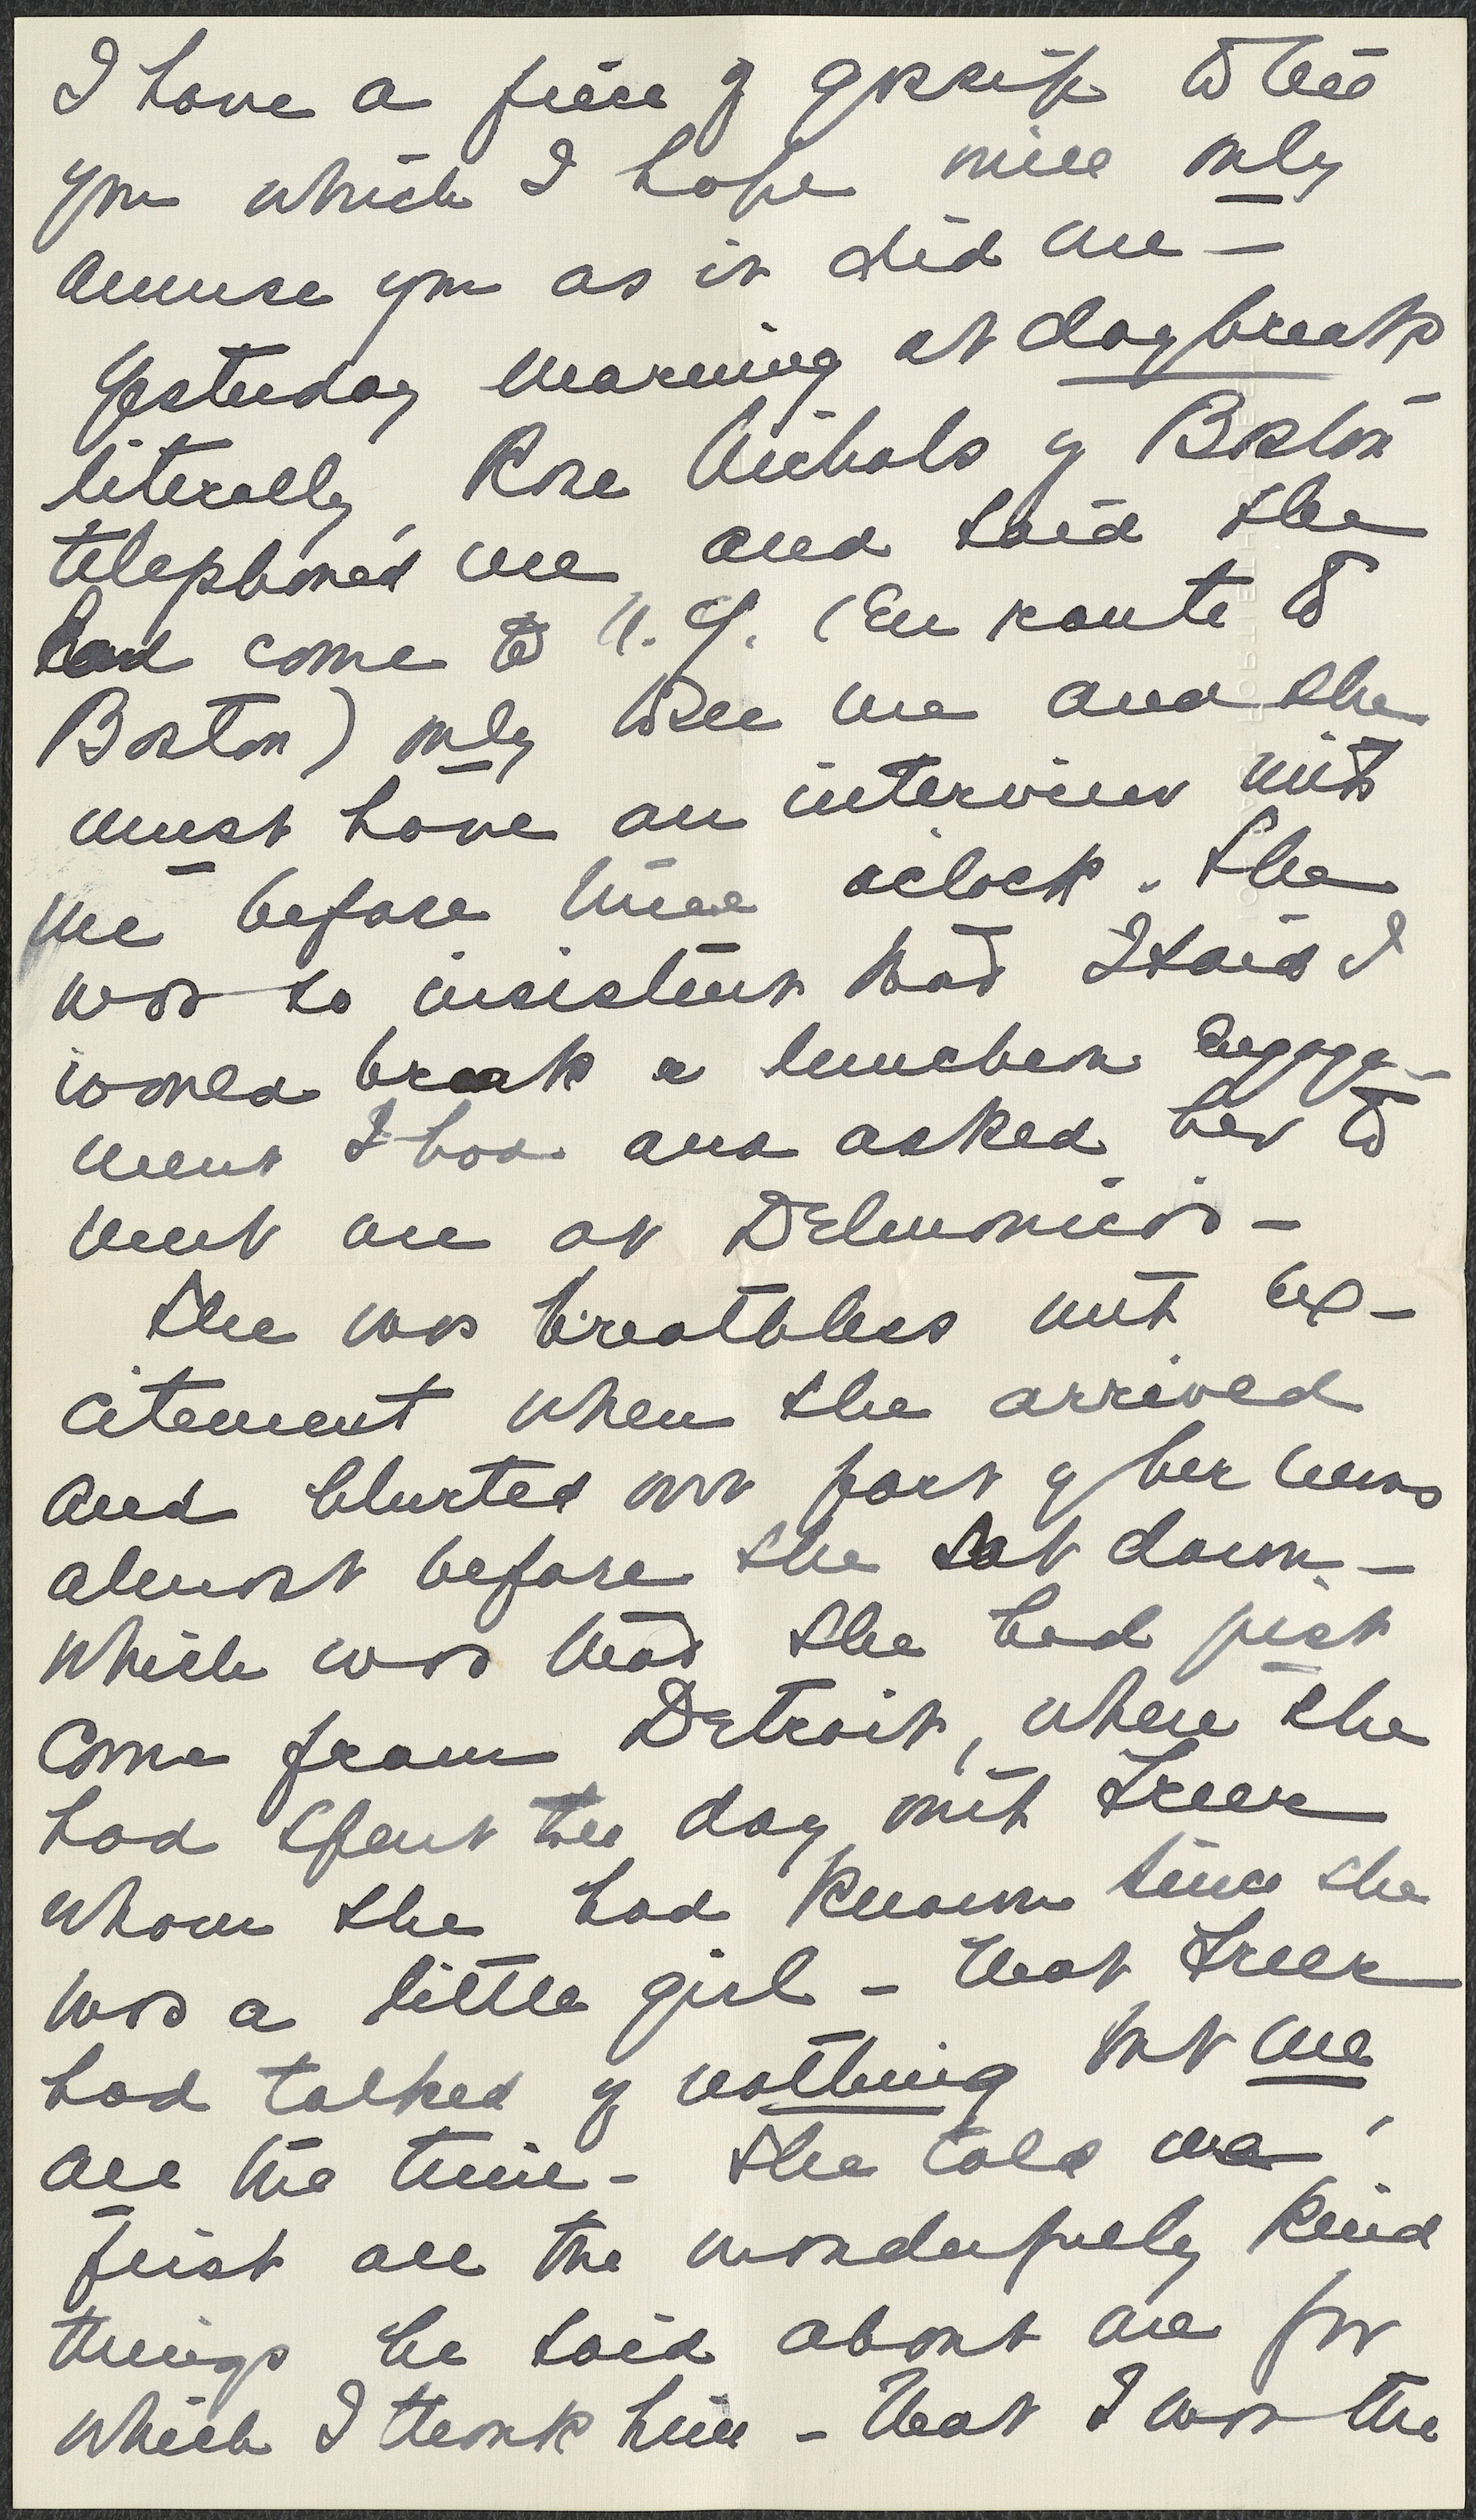I have a piece of gossip to tell you which I hope will only amuse you as it did me –
Yesterday morning at daybreak literally, Rose Nichols of Boston telephoned me and said she had come to N.Y. (en route to Boston) only to see me and she must have an interview with me before three o'clock. She was so insistent that I said I would break a luncheon engagement I had and asked her to meet me at Delmonico's –
She was breathless with excitement when she arrived and blurted out part of her news almost before she sat down – which was that she had just come from Detroit, where she had spent the day with Freer whom she had known since she was a little girl – that Freer had talked of nothing but me all the time – She told me – first all the wonderfully kind things he said about me for which I thank him – That I was the